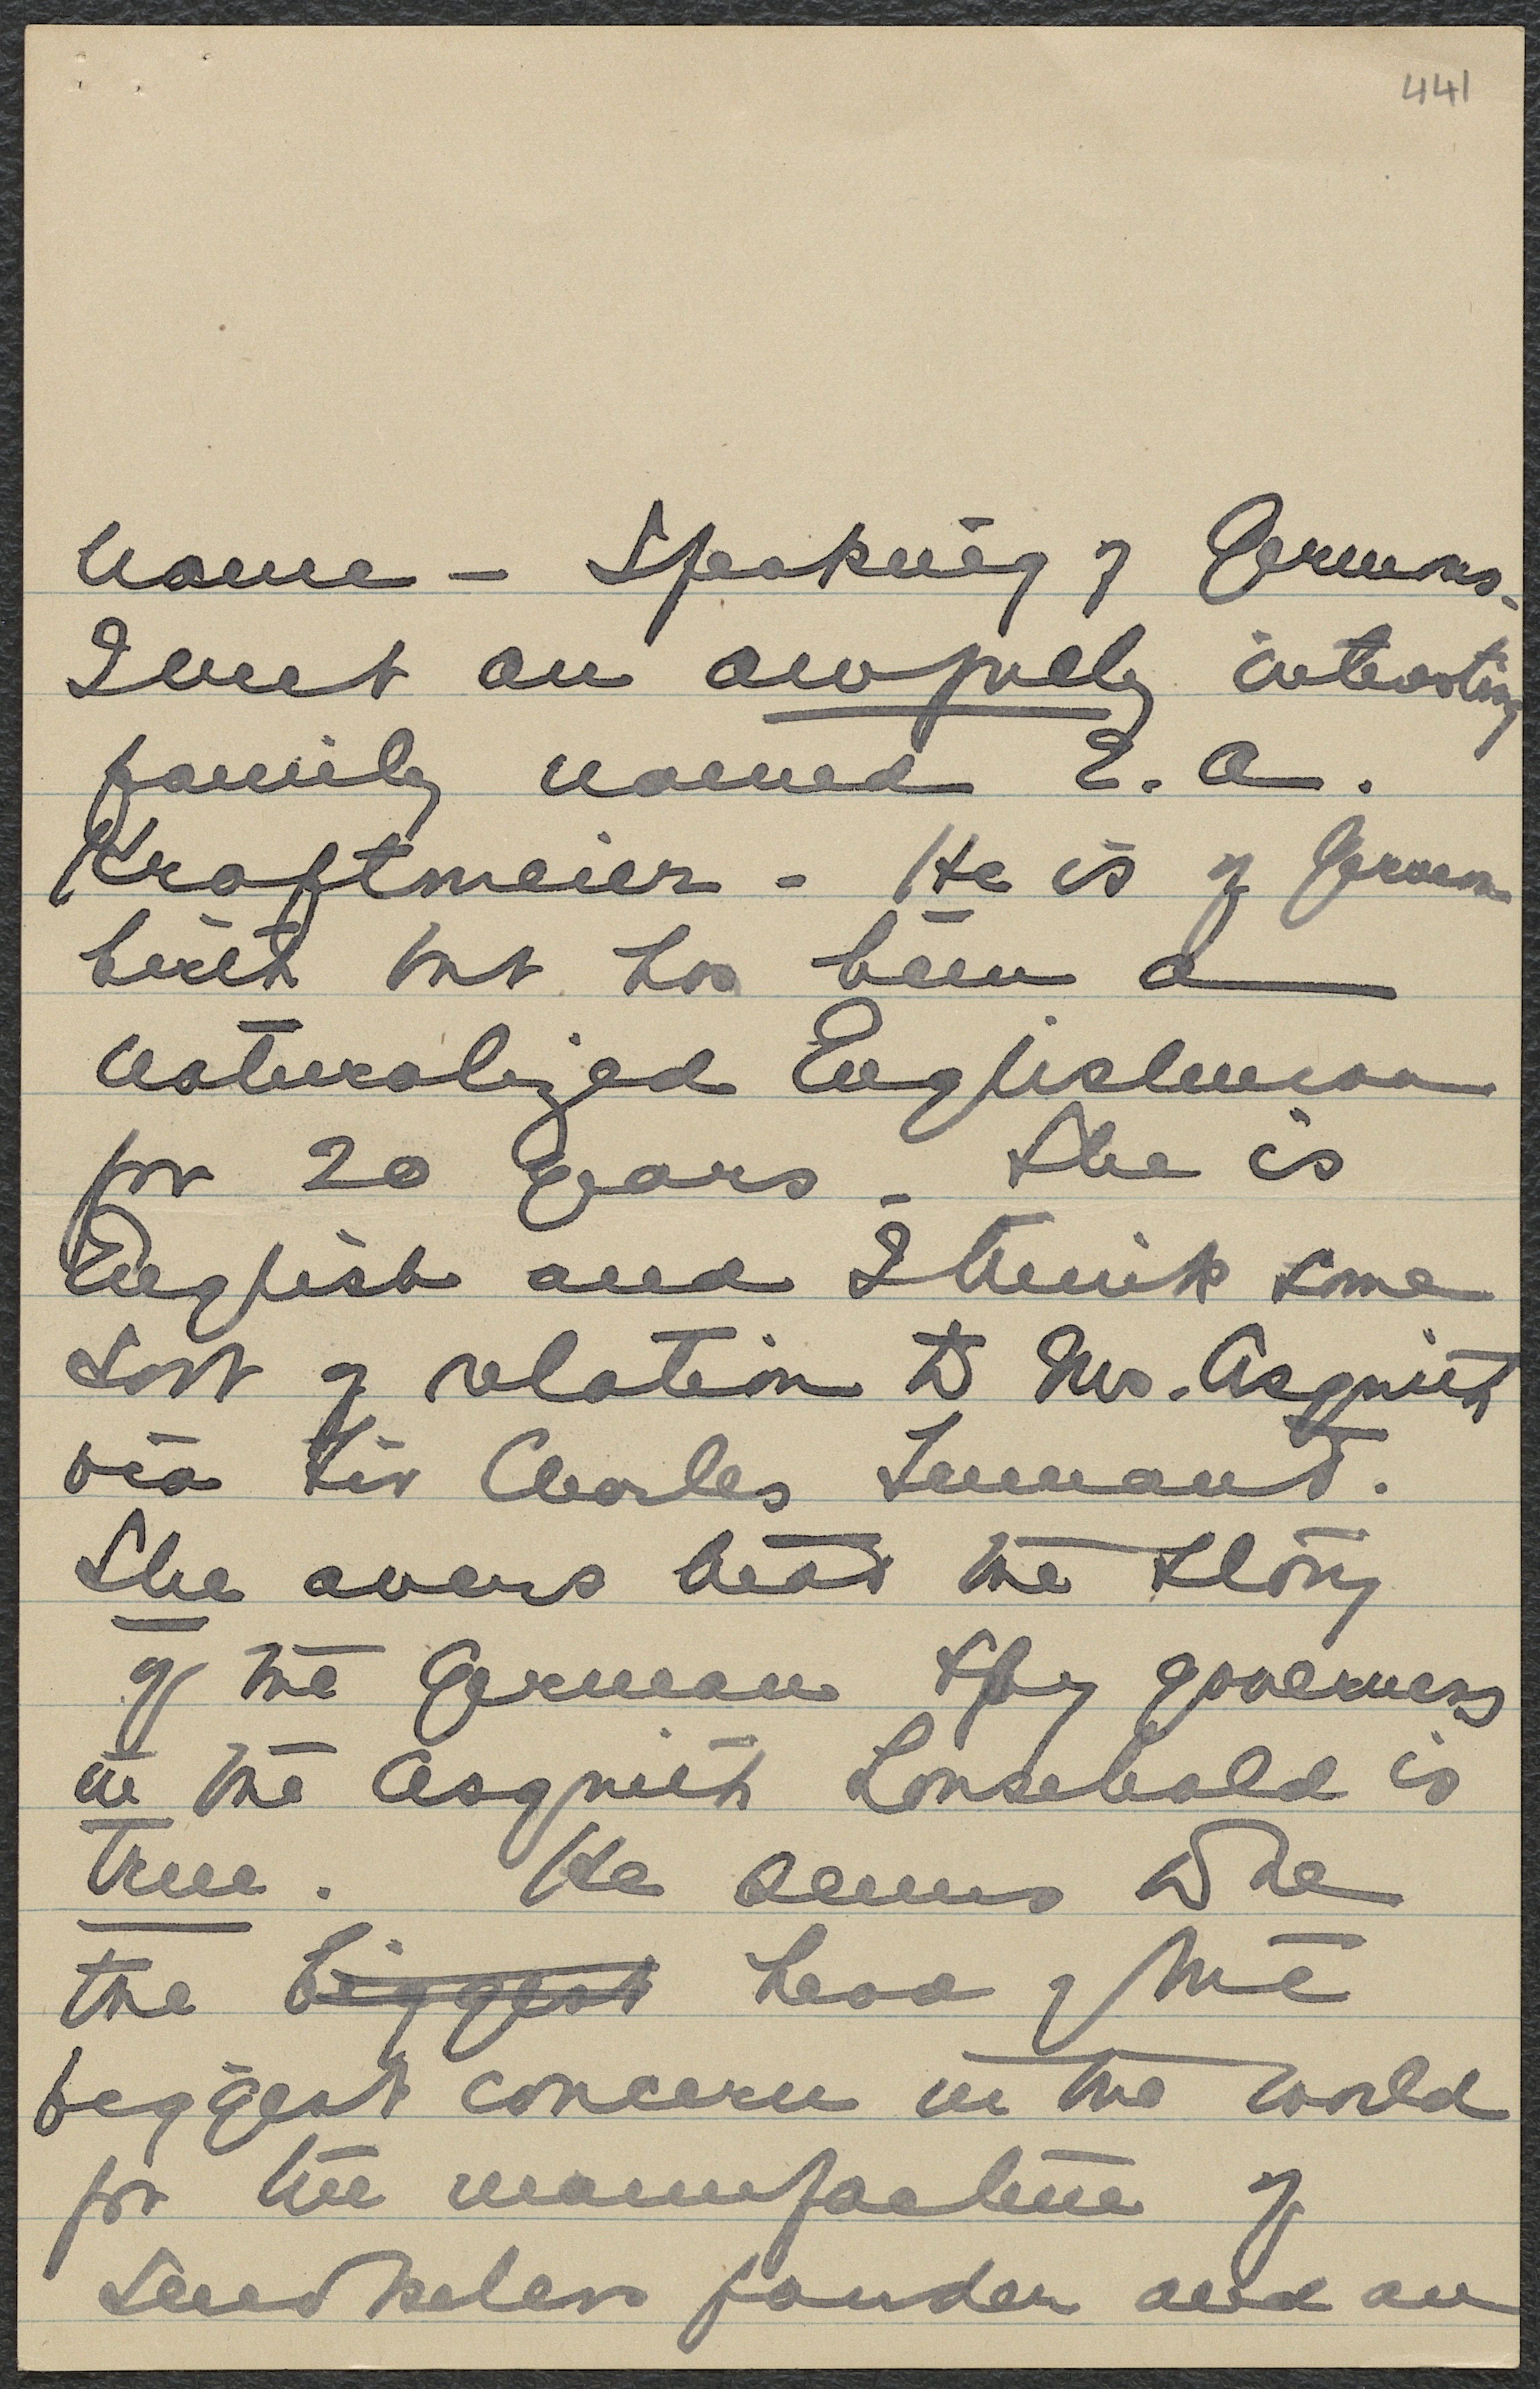name – speaking of Germans – I met an awfully interesting family named E. A. Kraftmeier – He is of German birth but has been a naturalized Englishman for 20 years – she is English and I think some sort of relation to Mrs. Asquith via Sir Charles Fernand. She avers that the story of the German spy governors in the Asquith household is true. He seems to be the biggest head of the biggest concern in the world for the manufacture of smokeless powder and all